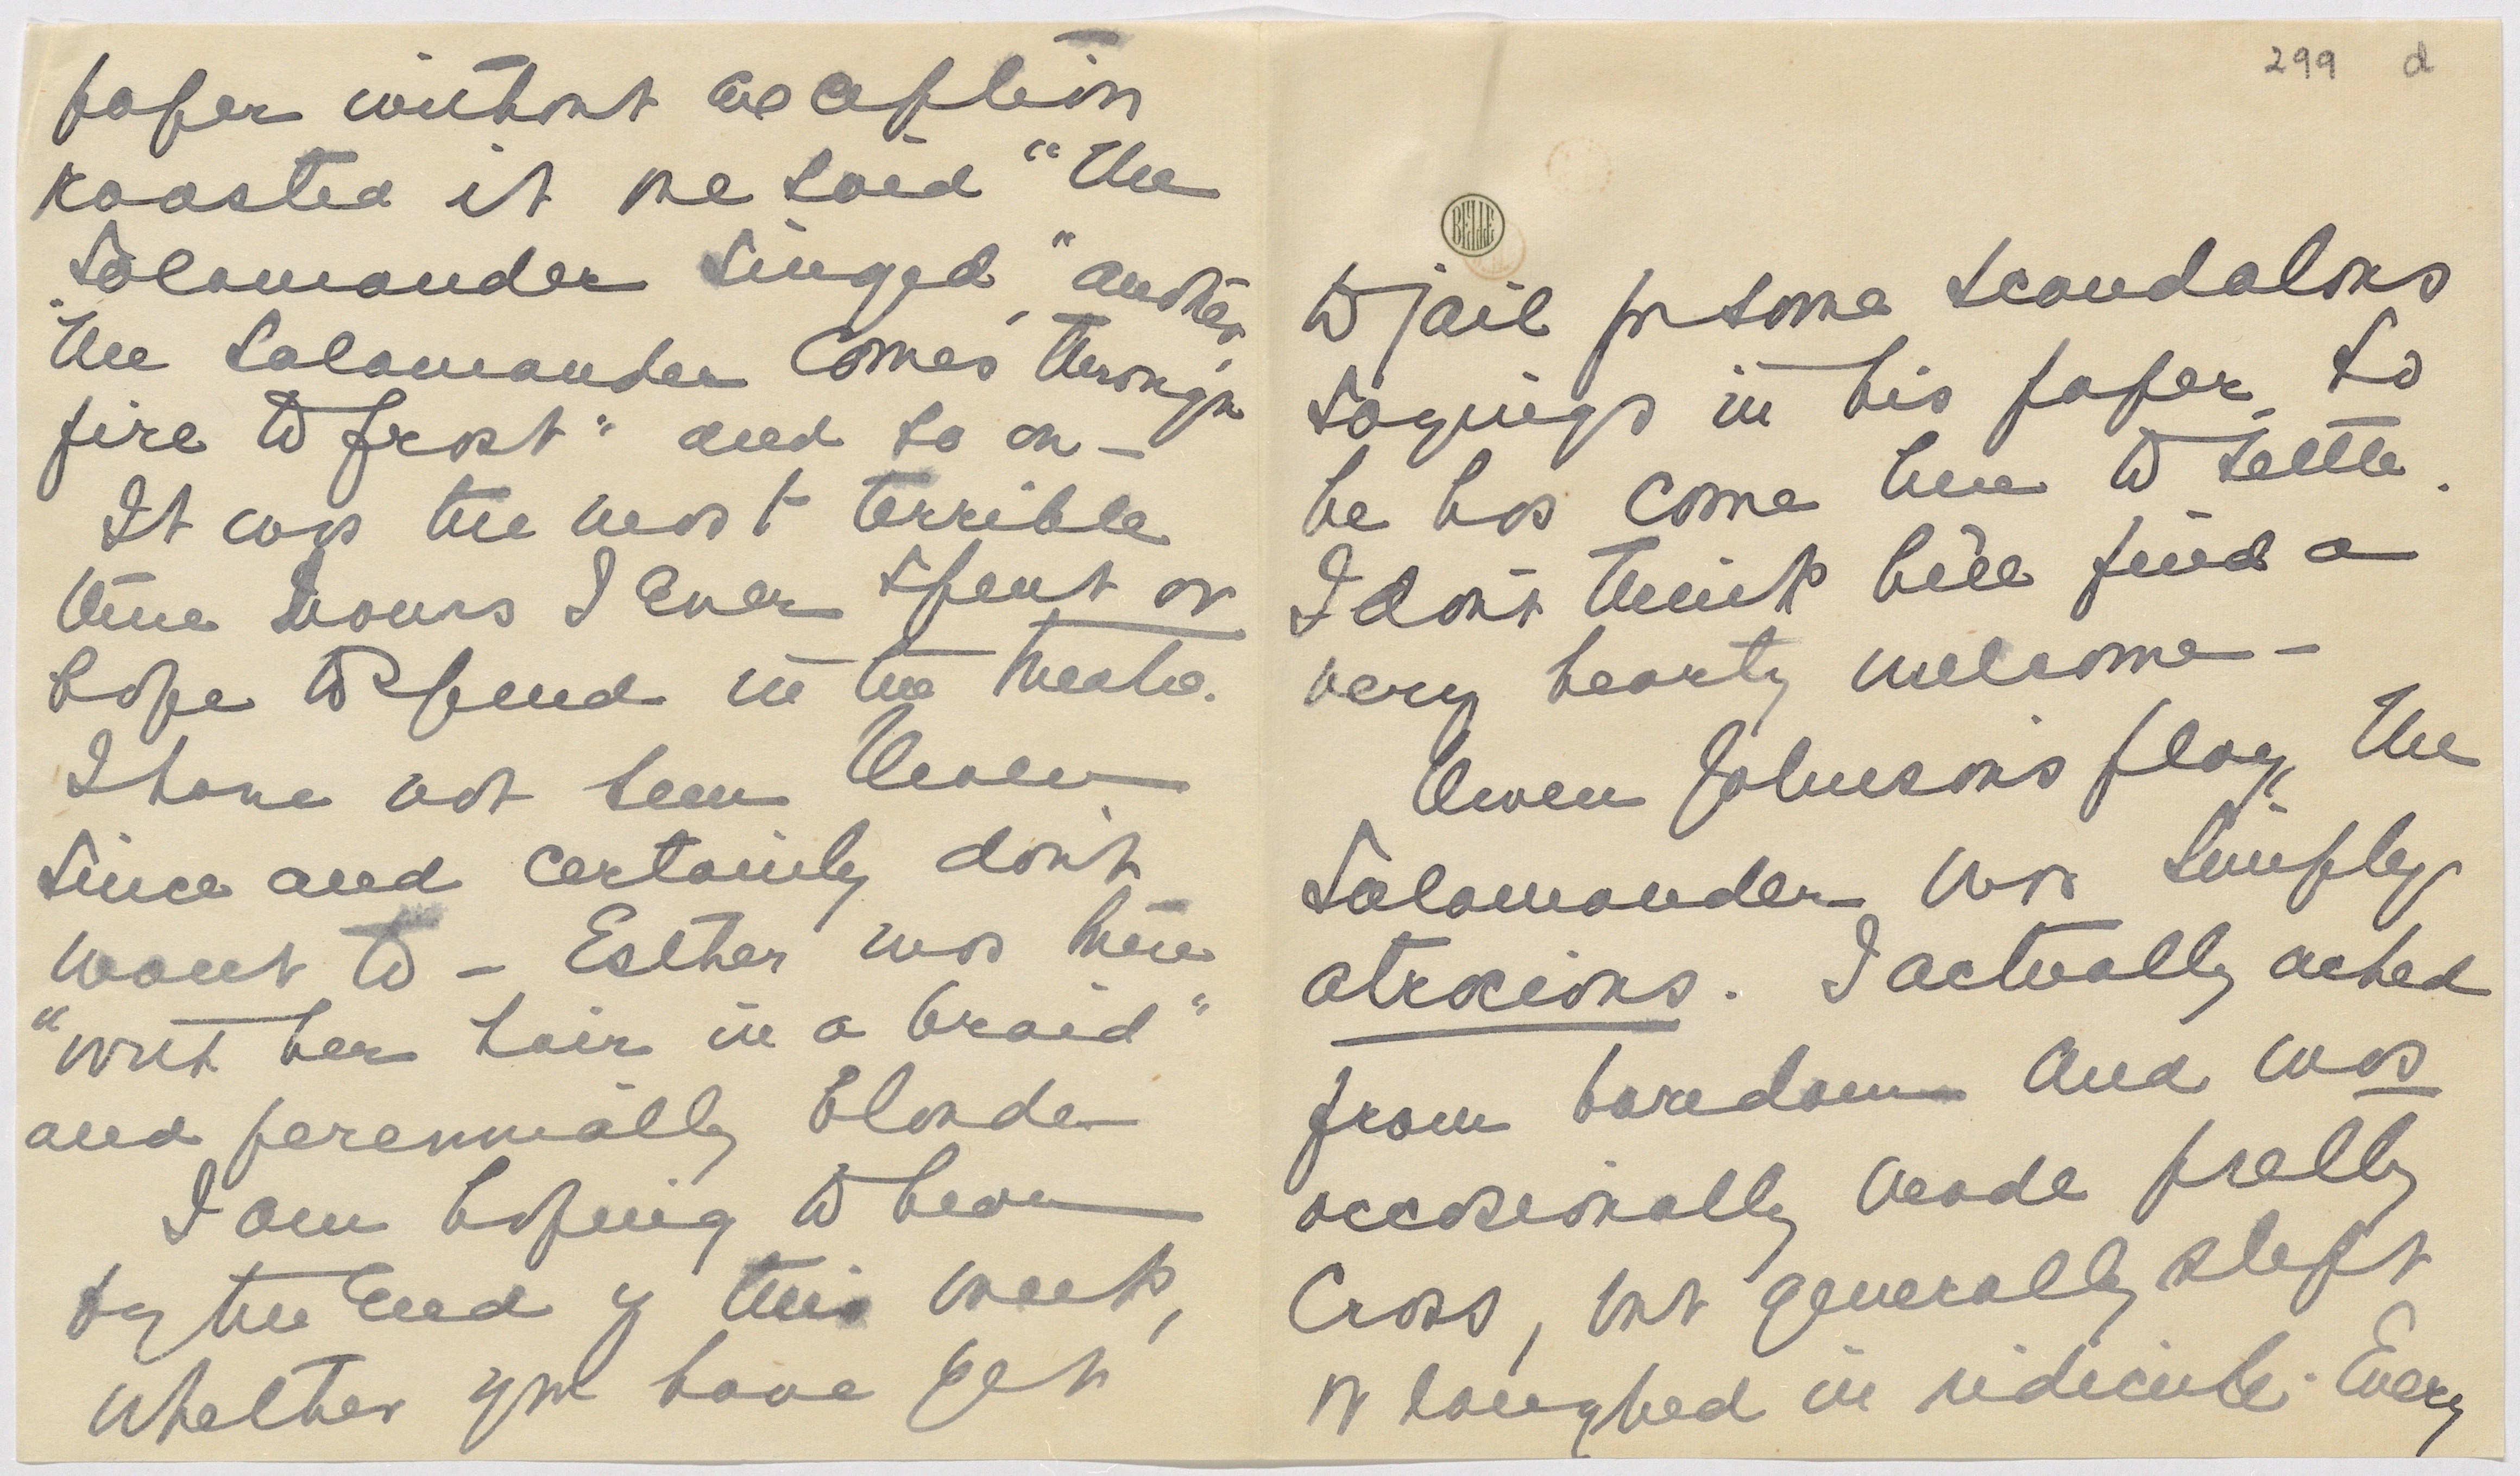to jail for some scandalous sayings in his paper. So he has come here to settle. I don’t think he’ll find a very hearty welcome –
Owen Johnson’s play The Salamander was simply atrocious. I actually ached from boredom and was occasionally made pretty cross, but generally sept or laughed in ridicule. Every
paper without exception roasted it one said “the Salamander singed,” another “The Salamander comes “through fire to frost” and so on – It was the most terrible three hours I ever spent or hope to spend in the theatre. I have not seen Owen since and certainly don’t want to – Esther was there “with her hair in a braid” and perennially blonde –
I am hoping to hear by the end of this week, whether you have yet